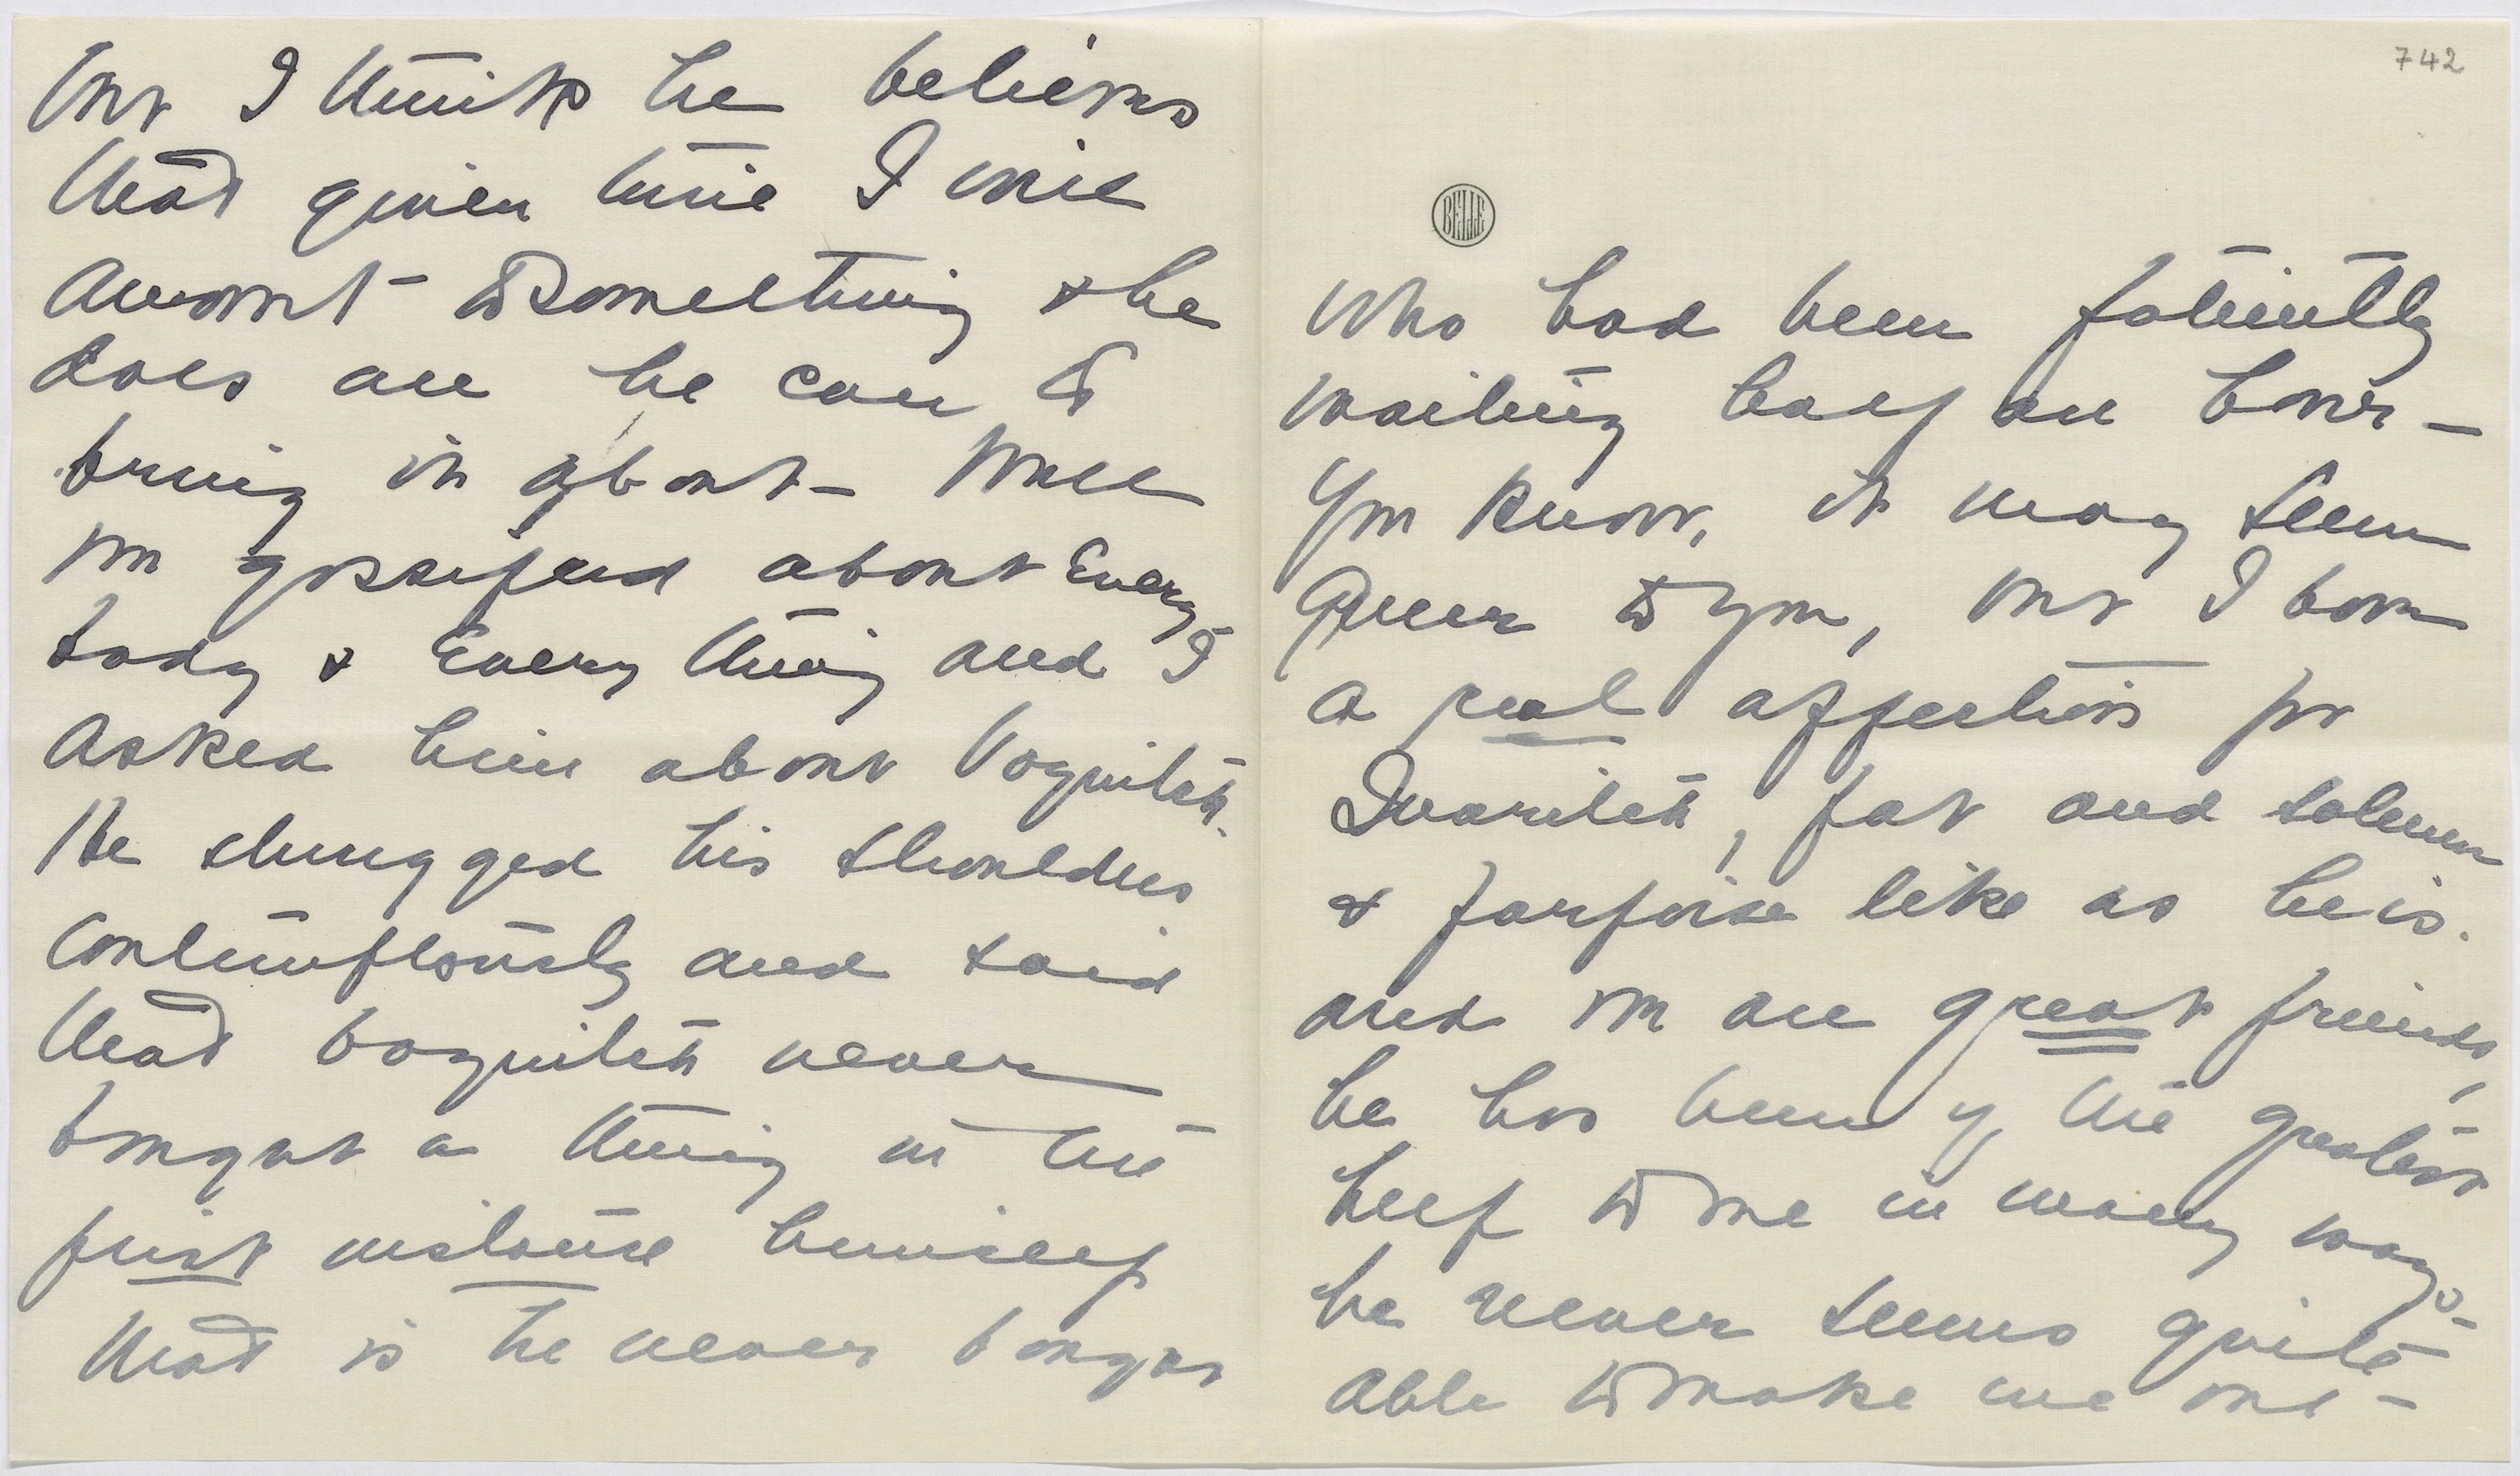who had been patiently waiting half an hour – you know, it may seem queer to you, but I have a real affection for Quartich, fat and solemn & porpoise like as he is. And we are [double underlined: great] friends, he has been of the greatest help to me in many ways – he never seems quite able to make me out
but I think he believes that given time I will amount to something & he does all he can to bring it about – Well we gossiped about every body & every thing and I asked him about Voynitch. He shrugged his shoulders contemptuously and said that Voynitch never bought a thing in the first instance himself that is he never bought